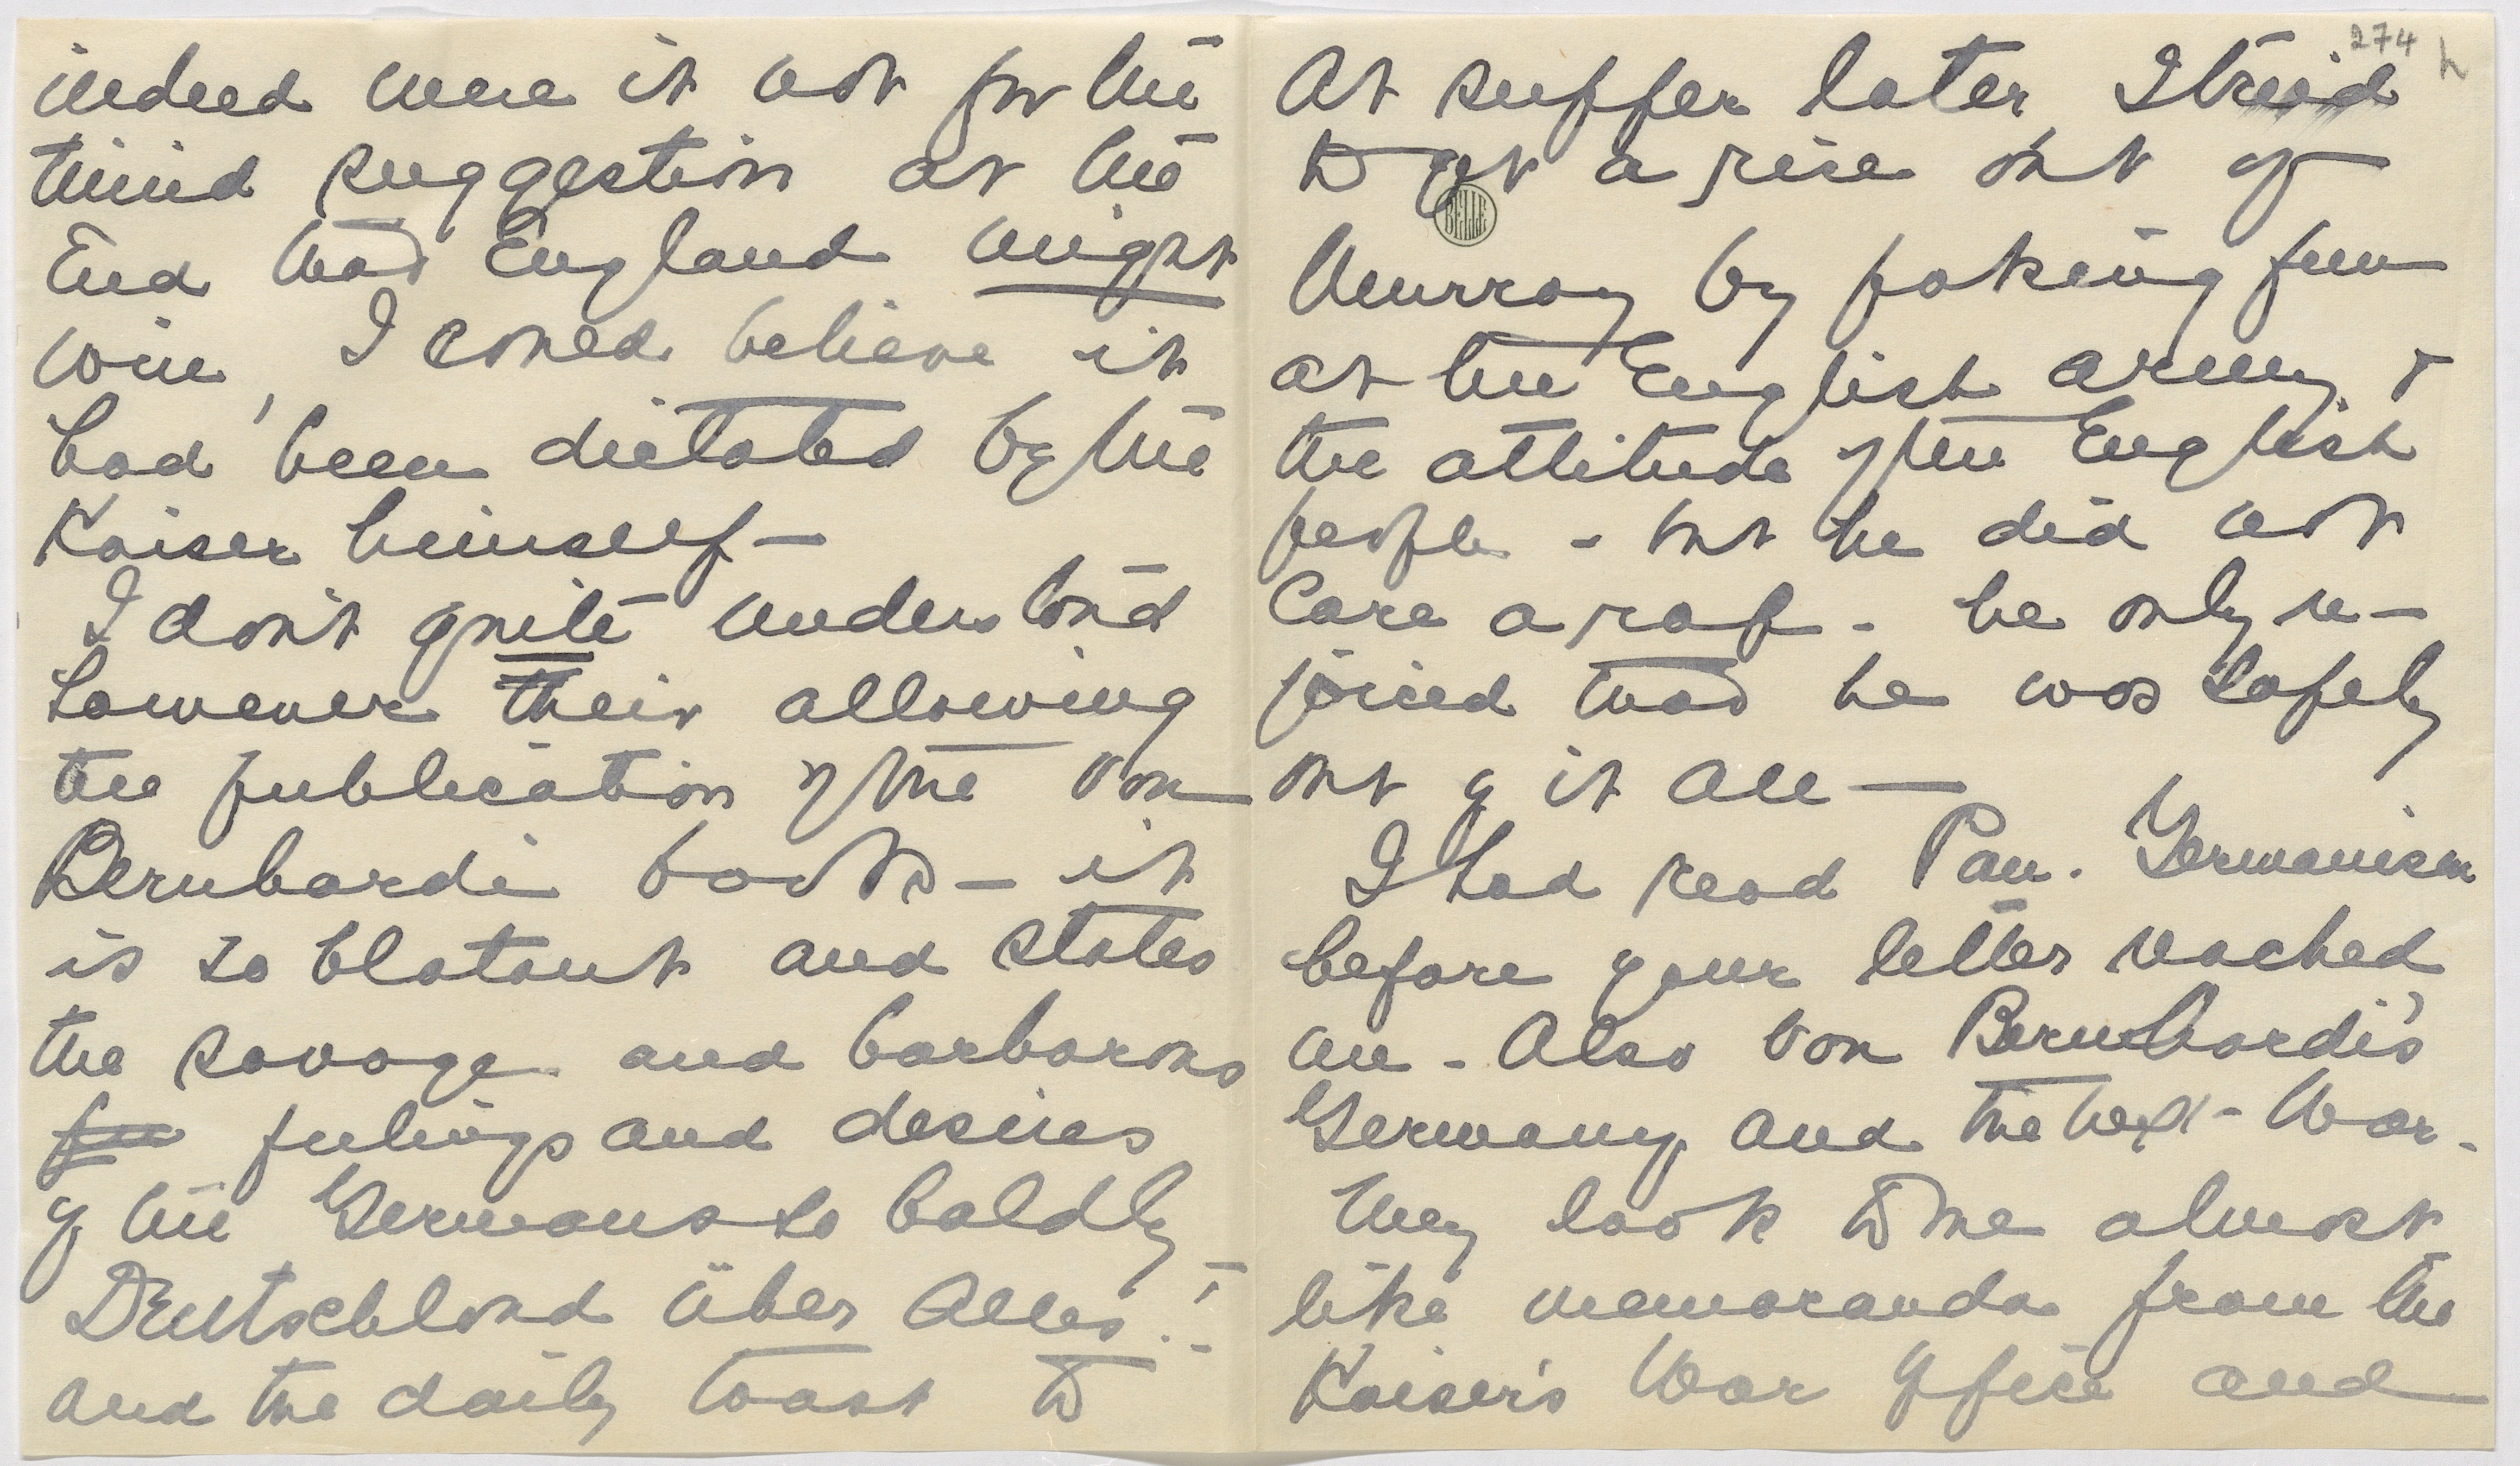At supper later I tried to get a rise out of Murray by poking fun at the English army & the attitude of the English people – but he did not care a rap – he only rejoiced that he was safely out of it all –
I had read Pan-Germanism before your letter reached me – Also von Bernhardi’s Germany and the Next War –
They look to me almost like memoranda from the Kaiser’s War Office and
indeed were it not for the timid suggestion at the end that England might win, I could believe it had been dictated by the Kaiser himself –
I don’t quite understand however their allowing the publication of the von Bernhardi book – it is so blatant and states the savage and barbarous fu feelings and desires of the Germans so boldly –
Deutschland über Alles! – and the daily toast to